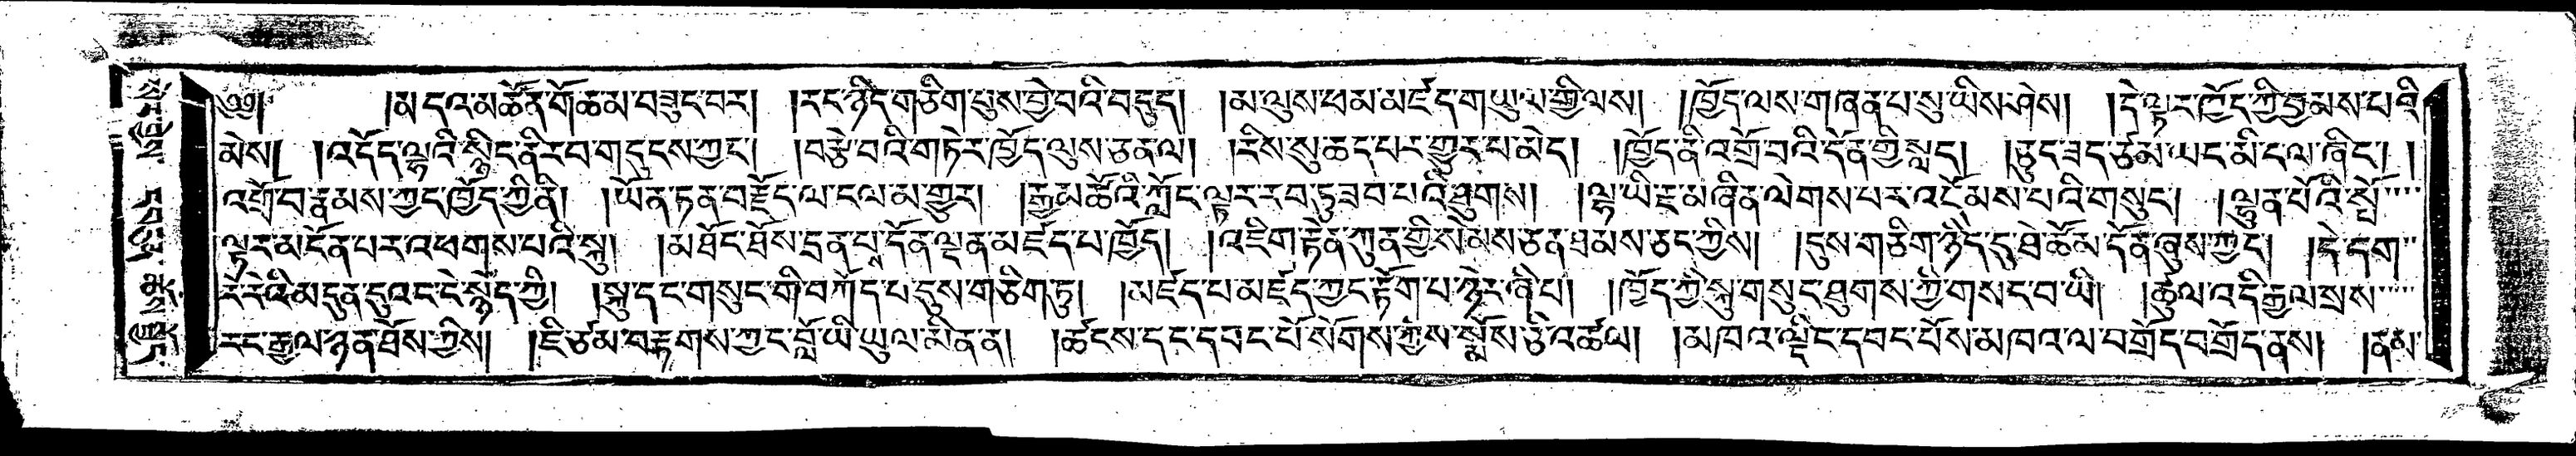༄༅། །མདའ་མཚོན་གོ་ཆ་མ་བཟུང་བར། །རང་ཉིད་གཅིག་པུས་བྱེ་བའི་བདུད། །མ་ལུས་ཕམ་མཛད་གཡུལ་གྱི་ལས། །ཁྱོད་ལས་གཞན་པ་སུ་ཡིས་ཤེས། །དེ་ལྟར་ཁྱོད་ཀྱི་བྱམས་པའི་
མེས། །འདོད་ལྷའི་སྙིང་ནི་རབ་གདུངས་ཀྱང་། །བརྩེ་བའི་གཏེར་ཁྱོད་ལུས་ཅན་ལ། །རིས་སུ་ཆད་པར་གྱུར་པ་མེད། །ཁྱོད་ནི་འགྲོ་བའི་དོན་གྱི་སླད། །ཅུང་ཟད་ཙམ་ཡང་མི་ངལ་ཞིང་། །
འགྲོ་བ་རྣམས་ཀྱང་ཁྱོད་ཀྱི་ནི། །ཡོན་ཏན་བརྗོད་ལ་ངལ་མ་གྱུར། །རྒྱ་མཚོའི་ཀློང་ལྟར་རབ་ཏུ་ཟབ་པའི་ཐུགས། །ལྷ་ཡི་རྔ་བཞིན་ལེགས་པར་འདོམས་པའི་གསུང་། །ལྷུན་པོའི་སྤོ་
ལྟར་མངོན་པར་འཕགས་པའི་སྐུ། །མཐོང་ཐོས་དྲན་པས་དོན་ལྡན་མཛད་པ་ཁྱོད། །འཇིག་རྟེན་ཀུན་གྱི་སེམས་ཅན་ཐམས་ཅད་ཀྱིས། །དུས་གཅིག་ཉིད་དུ་ཐེ་ཚོམ་དོན་ཞུས་ཀྱང་། །དེ་དག་
རེ་རེའི་མདུན་དུའང་ངེ་སྙིད་ཀྱི། །སྐུ་དང་གསུང་གི་བཀོད་པ་དུས་གཅིག་ཏུ། །མཛད་པ་མཛད་ཀྱང་རྟོག་པ་ཉེར་ཞི་པ། །ཁྱོད་ཀྱི་སྐུ་གསུང་ཐུགས་ཀྱི་གསང་བ་ཡི། །ཚུལ་འདི་རྒྱལ་སྲས་
རང་རྒྱལ་ཉན་ཐོས་ཀྱིས། །ཇི་ཙམ་བརྟགས་ཀྱང་བློ་ཡི་ཡུལ་མིན་ན། །ཚངས་དང་དབང་པོ་སོགས་ཀྱིས་སྨོས་ཅི་འཚལ། །མཁའ་ལྡིང་དབང་པོས་མཁའ་ལ་བགྲོད་བགྲོད་ནས། །ནམ་